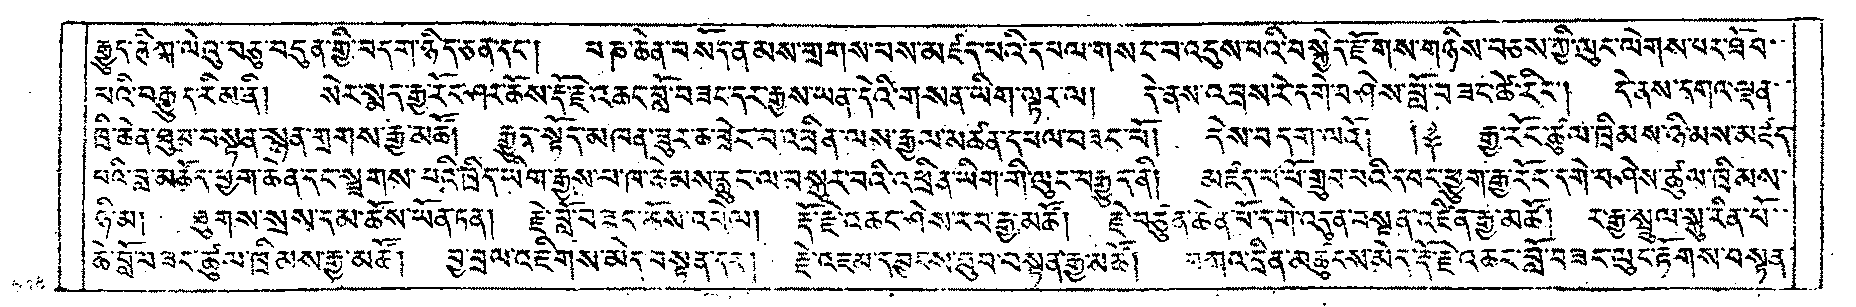རྒྱུད་ཊིཀྐ་ལེའུ་བཅུ་བདུན་གྱི་བདག་ཉིད་ཅན་དང་། པཎ་ཆེན་བསོད་ནམས་གྲགས་པས་མཛད་པའི་དཔལ་གསང་བ་འདུས་པའི་བསྐྱེད་རྫོགས་གཉིས་བཅས་ཀྱི་ལུང་ལེགས་པར་ཐོབ་
པའི་བརྒྱུད་རིམ་ནི། སེར་སྨད་རྒྱ་རོང་ཤར་ཆོས་རྡོ་རྗེ་འཆང་བློ་བཟང་དར་རྒྱས་ཡན་དེའི་གསན་ཡིག་ལྟར་ལ། དེ་ནས་འབྲས་རེ་དགེ་བཤེས་བློ་བཟང་ཚེ་རིང་། དེ་ནས་དགའ་ལྡན་
ཁྲི་ཆེན་ཐུབ་བསྟན་སྙན་གྲགས་རྒྱ་མཚོ། རྒྱུད་སྟོད་མཁན་ཟུར་ཆ་ཕྲེང་བ་འཕྲིན་ལས་རྒྱལ་མཚན་དཔལ་བཟང་པོ། དེས་བདག་ལའོ། ། ༈ རྒྱ་རོང་ཚུལ་ཁྲིམས་ཉི་མས་མཛད་
པའི་བླ་མཆོད་ཕྱག་ཆེན་དང་སྦྲགས་པའི་ཁྲིད་ཡིག་རྒྱས་པ་ཁ་ཆེམས་རླུང་ལ་བསྐུར་བའི་འཕྲིན་ཡིག་གི་ལུང་བརྒྱུད་ནི། མཛད་པ་པོ་གྲུབ་པའི་དབང་ཕྱུག་རྒྱ་རོང་དགེ་བཤེས་ཚུལ་ཁྲིམས་
ཉི་མ། ཐུགས་སྲས་དམ་ཆོས་ཡོན་ཏན། རྗེ་བློ་བཟང་ཆོས་འཕེལ། རྡོ་རྗེ་འཆང་ཤེས་རབ་རྒྱ་མཚོ། རྗེ་བཙུན་ཆེན་པོ་དགེ་འདུན་བསྟན་འཛིན་རྒྱ་མཚོ། ར་རྒྱ་སྤྲུལ་སྐུ་རིན་པོ་
ཆེ་བློ་བཟང་ཚུལ་ཁྲིམས་རྒྱ་མཚོ། བྱ་བྲལ་འཇིགས་མེད་བསྟན་དར། རྗེ་འཇམ་དབྱངས་ཐུབ་བསྟན་རྒྱ་མཚོ། བཀའ་དྲིན་མཚུངས་མེད་རྡོ་རྗེ་འཆང་བློ་བཟང་ལུང་རྟོགས་བསྟན་